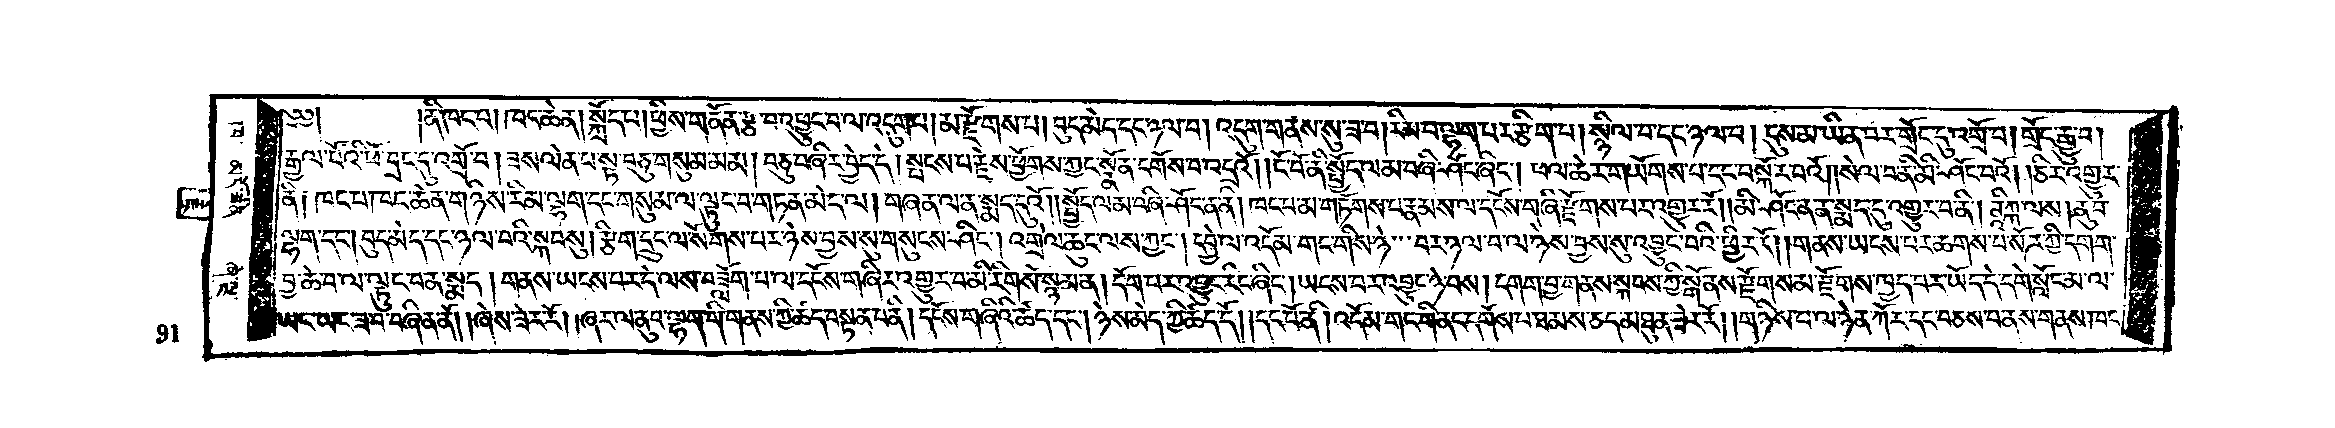༄༅། །ནི་ཁང་པ། ཁང་ཆེན། སྐྲོད་པ། ཕྱིས་གནོན་རྩ་བ་འཕྱུང་བ་ལ་འདུག་པ། མ་རྫོགས་པ། བུད་མེད་དང་ཉལ་བ། འདུག་གནས་སུ་ཟ་བ། རིམ་པ་ལྷག་པར་རྩིག་པ། སྙིལ་བ་དང་ཉལ་བ། དུས་མ་ཡིན་པར་གྲོང་དུ་འགྲོ་བ། གྲོང་རྒྱུ་བ།
རྒྱལ་པོའི་ཕོ་བྲང་དུ་འགྲོ་བ། ཟས་ལེན་པ་སྟེ་བཅུ་གསུམ་མམ། བཅུ་བཞིར་བྱེད་དེ། སྤངས་པ་རྗེས་ཕྱོགས་ཀྱང་སྣོན་དགོས་བ་འདྲའོ། །ངོ་བོ་ནི་སྤྱོད་ལམ་བཞི་ཤོང་ཞིང་། ཕལ་ཆེར་གཡོགས་པ་དང་བསྐོར་བའོ། །སེལ་བ་ནི་མི་ཤོང་བའོ། །ཅིར་འགྱུར་
ནི། ཁང་པ་ཁང་ཆེན་གཉིས་རིམ་ལྷག་དང་གསུམ་ལ་ལྟུང་བ་གཏན་མེད་ལ། གཞན་ལ་ན་སྨད་དུའོ། །སྤྱོད་ལམ་བཞི་ཤོང་ན་ནི། ཁང་པ་མ་གཏོགས་པ་རྣམས་ལ་དངོས་གཞི་རྫོགས་པར་འགྱུར་རོ། །མི་ཤོང་ན་ན་སྨད་དུ་འགྱུར་བ་ནི། ཊཱིཀྐ་ལས། ནུབ་
ལྷག་དང་། བུད་མེད་དང་ཉལ་བའི་སྐབས་སུ། རྩིག་དྲུང་ལ་སོགས་པར་ཉེས་བྱས་སུ་གསུངས་ཤིང་། འགྲེལ་ཆུང་ལས་ཀྱང་། དབྱེ་ལ་འདོམ་གང་གིས་ཉེ་བར་ཉལ་བ་ལ་ཉེས་བྱས་སུ་འབྱུང་བའི་ཕྱིར་རོ། །གནས་ཡངས་པར་ཆགས་པ་སོས་ཀྱི་དགག་
བྱ་ཆེ་བ་ལ་ལྟུང་བ་ན་སྨད། གནས་ཡངས་པར་དེ་ལས་བཟློག་པ་ལ་དངོས་གཞིར་འགྱུར་བ་མི་རིགས་སོ་སྙམ་ན། དོག་པར་འབྱུང་རིང་ཞིང་། ཡངས་པར་འབྱུང་ཉེ་བས། དགག་བྱ་གནས་སྐབས་ཀྱི་སྒོ་ནས་རྫོགས་མ་རྫོགས་ཁྱད་པར་ཡོད་དེ་དགེ་སློང་མ་ལ་
ཡང་ཡང་ཟ་བ་བཞིན་ནོ། །ཞེས་ཟེར་རོ། །ཞར་ལ་ནུབ་ལྷག་གི་གནས་ཀྱི་ཚད་བསྟན་པ་ནི། དངོས་གཞིའི་ཚད་དང་། ཉེས་མེད་ཀྱི་ཚད་དོ། །དང་པོ་ནི། འདོམ་གང་གི་ནང་དགོས་པ་ཐམས་ཅད་མཐུན་ཟེར་རོ། །གཉིས་པ་ལ་ཉེན་ཀོར་དང་བཅས་པ་ནས་གནས་ཁང་